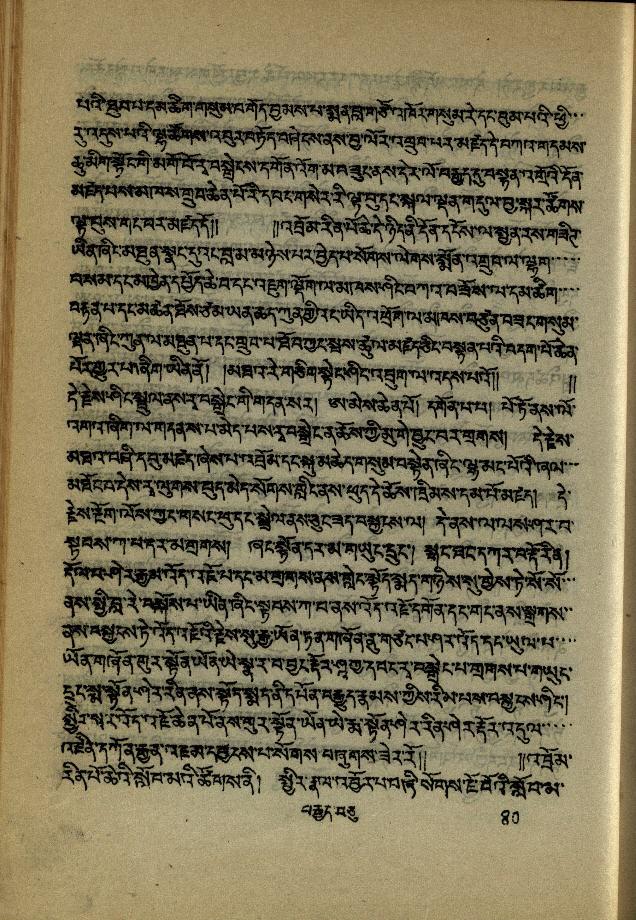པའི་ཐུབ་པ་དམ་ཚིག་གསུམ་བགོད་བྱམས་པ་སྨན་བླ་གཙོ་འཁོར་གསུམ་རེ་དང་བུམ་པའི་ཕྱི་
རུ་འདུས་པའི་ལྷ་ཚོགས་འབུར་བཏོད་བཞེངས་ནས་བྱ་ལོར་འགྲུབ་པར་མཛད་དེ་བཀའ་གདམས་
ཆུ་མིག་སྟོང་གི་མགོ་བོ་རྭ་བསྒྲེངས་དགོན་འོག་མ་བཟུང་ནས་དེར་ལོ་བརྒྱད་དུ་བསྟན་འགྲོའི་དོན་
མཛད་པས་མཁས་གྲུབ་ཆེན་པོ་རི་དབང་གསེར་རི་ལྟ་བུ་དང་སྐལ་ལྡན་གདུལ་བྱ་སྐར་ཚོགས་
ལྟ་བུས་གང་བར་མཛད་དོ།། །།འབྲོམ་རིན་པོ་ཆེ་དེ་ཉིད་ནི་དོན་དངོས་ལ་སྤྱན་རས་གཟིཊ་
ཡིན་ཞིང་མཐུན་སྣང་དུའང་བླ་མ་མཉེས་པར་བྱེད་པ་སོགས་ལེགས་སྨོན་འགྲུབ་ལ་ལྷག་
བསམ་དང་མཁྱེན་དཔྱོད་ཆེ་བ་དང་འཇུག་ལྡོག་ལ་མཁས་ཤིང་བཀའ་བཟོས་ལ་དམ་ཚིག་
བརྟན་པ་དང་མཚན་ཐོས་ཙམ་ཡན་ཆད་ཀུན་གྱིའང་ཡིད་འཕྲོག་ལ་མཁས་བཙུན་བཟང་གསུམ་
ལྡན་ཞིང་ཀུན་ལ་མཐུན་པ་དང་གྲུབ་པ་ཐོབ་ཀྱང་སྦས་ཚུལ་མཛད་ཅིང་བསྟན་པའི་བདག་པོ་ཆེན་
པོར་གྱུར་པ་ཞིག་ཡིན་ནོ། །མཐའ་རེ་གཅིག་སྟེང་ཤིང་འབྲུག་ལ་འདས་པའོ།། །།
དེ་རྗེས་ཤིང་སྦྲུལ་ནས་རྭ་བསྒྲེང་གི་གདན་སར། ཨ་མེས་ཆེན་པོ། དགོན་པ་པ། པོ་ཏོ་ནས་ལོ་
འགའ་ཞིག་ལ་གདན་ས་པ་མེད་པས་རྭ་བསྒྲེང་ན་ཆོས་ཀྱི་མུ་གེ་བྱུང་བར་གྲགས། དེ་རྗེས་
མཐའ་བཞི་དབུ་མཛད་ཞེས་པ་འབྲོམ་དང་སྐུ་མཆེད་གསུམ་བསྟེན་ཞིང་ལྷ་མང་པོའི་ཞལ་
མཐོང་བ་དེས་རྭ་ལུགས་བུད་མེད་སོགས་གླིང་ནས་ཕུད་དེ་ཆོས་ཁྲིམས་དམ་པོ་མཛད། དེ་
རྗེས་རྔོག་ལོས་ཀྱང་གསང་ཕུ་དང་སྒྲེལ་ནས་ཅུང་ཟད་བསྐྱངས་ལ། དེ་ནས་ལ་ལས་ཤར་བ་
སྟབས་ཀ་པ་དར་མ་གྲགས། ཞང་སྟོན་དར་མ་གཡུང་དྲུང་། སྒང་ཐང་དཀར་བ་རྡོ་རིན།
དོལ་བ་ཤེར་རྒྱམ་འོད་འཇོ་པ་དང་མ་གྲགས་ནས་གླེང་སྟོད་སྨད་གཉིས་སུ་གྱེས་ཏེ་སོ་སོ་
ནས་སྤྱི་བླ་རེ་བསྐོས་པ་ཡིན་ཞིང་སྟབས་ཀ་བ་ནས་འོད་འཇོ་དགོན་དང་གང་ནས་སྒྲགས་
ནས་བསྐྱངས་ཏེ་འོད་འཇོའི་རྗེས་སུ་རྒྱ་ཡོན་ཏན་གཞོན་ནུ་གཙང་པ་ཤར་འོད་དང་ཡུལ་པ་
ཡོན་གཞོན་གུར་སྟོན་ཡོན་ཡེ་སྣ་ར་བ་བྱང་རྡོར་ཤཱཀྱ་དབང་རྭ་བསྒྲེང་པ་གྲགས་པ་གཡུང་
དྲུང་སྨ་སྟོན་ཤེར་རིན་ནས་སྟོད་སྨད་ནི་དཔོན་བརྒྱུད་རྣམས་ཀྱིས་རིམ་པས་བསྐྱངས་ཤིང་།
སྤྱིར་སར་འོད་འཇོ་ཆེན་པོ་ནས་གུར་སྟོན་ཡོན་ཡེ་རྨ་སྟོན་ཤེར་རིན་ཤེར་རྡོར་འདུལ་
འཛིན་དཀོན་རྒྱན་འཇམ་དབྱངས་པ་སོགས་བཞུགས་ཟེར་རོ།། །།འབྲོམ་
རིན་པོ་ཆེའི་སློབ་མའི་ཚོགས་ནི། སྤྱིར་རྣལ་འབྱོར་པ་བཞི་སོགས་ཇོ་བོའི་སློབ་མ་